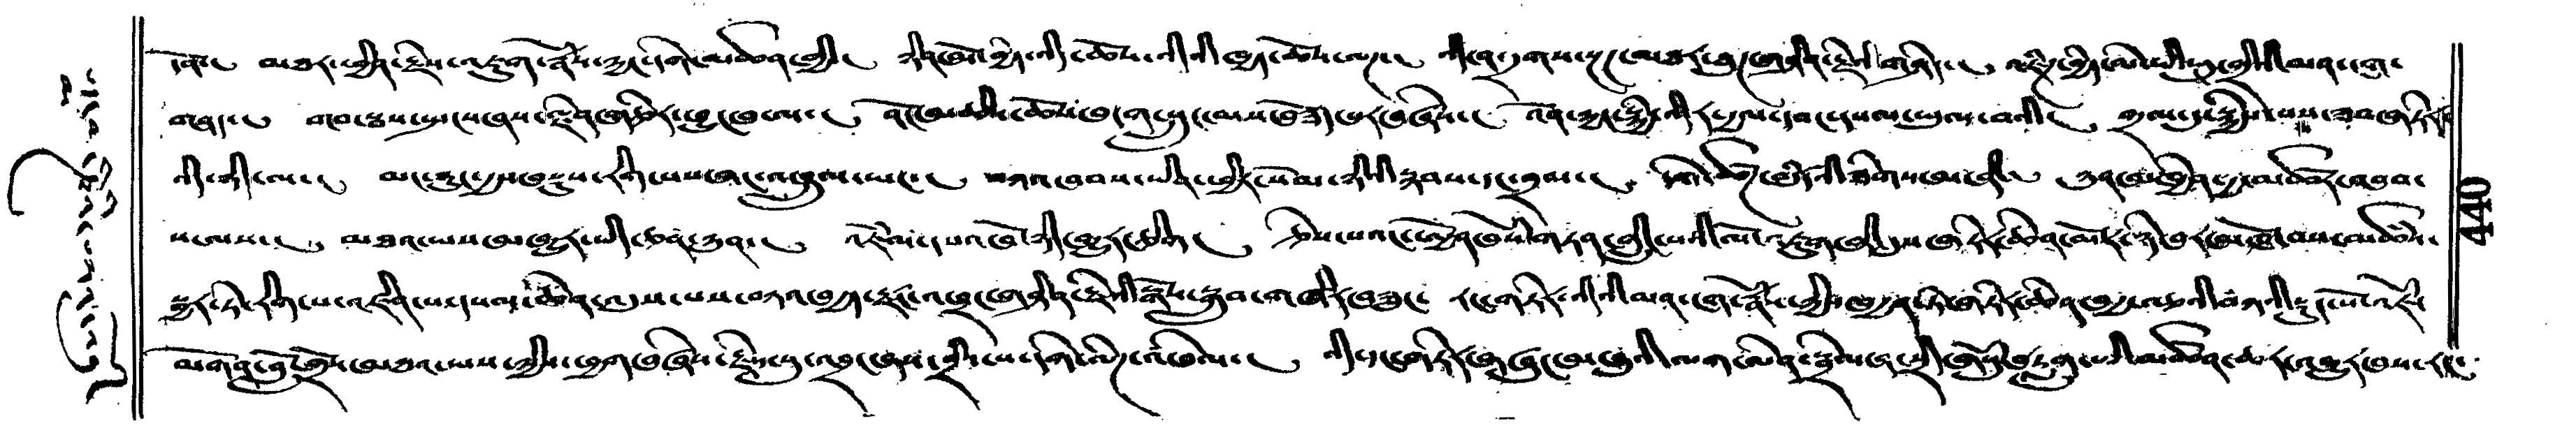དོན། །མཐར་ཕྱིན་རྗེས་འཇུག་རྣམས་ཀྱང་དགེ་མཚན་གྱི། །ཉིན་མོ་བྱེད་འདི་ཆོས་འདིའི་ཁྱད་ཆོས་ལགས། །འདི་ནི་དྲག་སྔགས་མཐར་ཐུག་གཤིན་རྗེའི་གཤེད། །འཇིགས་བྱེད་མེ་ཡི་སྤུ་གྲིའི་མན་ངག་
གནད། །གབ་སྦས་སྤངས་ནས་བརྗེན་གཅེར་ཕྱུངས་བ་ལ། །ནོངས་མཆིས་ཆོས་བདག་སྲུང་མས་བཟོད་པར་བཞེས། །འོན་ཀྱང་སྐྱེ་འདིར་རྒྱལ་དབང་དཔལ་ཡུལ་བའི། །གྲལ་དུ་སྐྱེས་པས་ཟབ་གཏེར་
འདི་ཉིད་ལ། །མང་ཉུང་རྒྱས་བསྡུས་རིགས་པས་གང་འཕྲུལ་ཡང་། བཀའ་བབས་ཡིན་ཕྱིར་སོམ་ཉིའི་སྐབས་དང་བྲལ། །དགེ་ཚོགས་བདུད་རྩིའི་ཟེགས་མ་ནི། །ཀུན་མཁྱེན་རྒྱ་མཚོར་འབབ་
པ་ལས། །མཐའ་ཡས་མ་གྱུར་ཡིད་ཅན་ཀུན། །འཇམ་དཔལ་དཔའ་བོ་ཉིད་གྱུར་ཅིག །ཅེས་པའང་ཨོ་རྒྱན་བསམ་གཏན་གླིང་པའི་ལོ་མཇུག་གི་དུས་གཏོར་ཆེན་མོར་ཉེ་བར་མཁོ་བས་མཚམས་
སྦྱར་ཏེ་རིག་འཛིན་པ་དཔལ་ཆེན་འདུས་པས་བཀའ་བརྒྱད་རྫོང་འཕྲང་གཤིན་རྗེའི་སྒོས་སྒྲུབ་གཞིར་བཟུང་། རང་གཏེར་འདིའི་མན་ངག་རྣམས་ཀྱིས་ཁ་བརྒྱན་ཏེ་གཏེར་ཆེན་བརྒྱ་རྩའི་བཀའི་སྡུད་པོ་འཇམ་
མགོན་བློ་གྲོས་མཐའ་ཡས་ཀྱིས་ཕྱག་བཞེས་ཀྱི་རྗེས་སུ་འབྲངས་ནས་བྲིས་པ་དགེ་ལེགས་འཕེལ། འདི་དང་གཏེར་གཞུང་མ་བུའི་ལག་ལེན་སྦྲེལ་ན་སྲིད་གསུམ་བརླག་པའི་མཚོན་ཆར་འགྱུར་བས་རང་